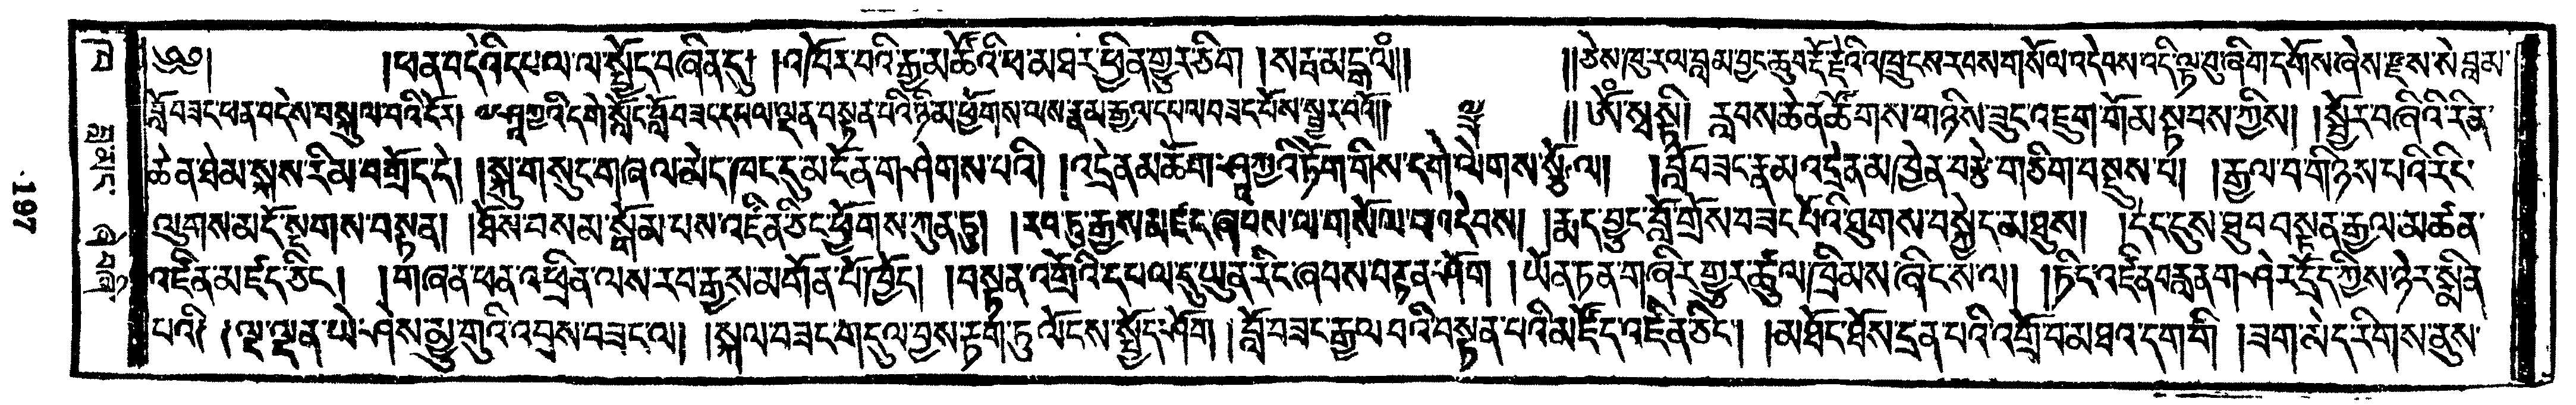༄༅། །ཕན་བདེའི་དཔལ་ལ་སྤྱོད་བཞིན་དུ། །འཁོར་བའི་རྒྱ་མཚོའི་ཕ་མཐར་ཕྱིན་གྱུར་ཅིག །སརྦ་མངྒ་ལཾ།། །།ཅེས་ཁུ་རལ་བླ་མ་བྱང་ཆུབ་རྡོ་རྗེའི་འཁྲུངས་རབས་གསོལ་འདེབས་འདི་ལྟ་བུ་ཞིག་དགོས་ཞེས་རྫས་སེ་བླ་མ་
བློ་བཟང་ཕན་བདེས་བསྐུལ་བའི་ངོར། ༧་ཤཱཀྱའི་དགེ་སློང་བློ་བཟང་དཔལ་ལྡན་བསྟན་པའི་ཉི་མ་ཕྱོགས་ལས་རྣམ་རྒྱལ་དཔལ་བཟང་པོས་སྦྱར་བའོ།། ༈ །།ཨོཾ་སྭསྟི། རླབས་ཆེན་ཚོགས་གཉིས་ཟུང་འཇུག་གོམ་སྟབས་ཀྱིས། །སྦྱོར་བཞིའི་རིན་
ཆེན་ཐེམ་སྐས་རིམ་བགྲོད་དེ། །སྐུ་གསུང་གཞལ་མེད་ཁང་དུ་མངོན་གཤེགས་པའི། །འདྲེན་མཆོག་ཤཱཀྱའི་ཏོག་གིས་དགེ་ལེགས་སྩོལ། །བློ་བཟང་རྣམ་འདྲེན་མཁྱེན་བརྩེ་གཅིག་བསྡུས་པ། །རྒྱལ་བ་གཉིས་པའི་རིང་
ལུགས་མདོ་སྔགས་བསྟན། །ཐོས་བསམ་སྒོམ་པས་འཛིན་ཅིང་ཕྱོགས་ཀུན་ཏུ། །རབ་ཏུ་རྒྱས་མཛད་ཞབས་ལ་གསོལ་བ་འདེབས། །རྨད་བྱུང་བློ་གྲོས་བཟང་པོའི་ཐུགས་བསྐྱེད་མཐུས། །དེང་དུས་ཐུབ་བསྟན་རྒྱལ་མཚན་
འཛིན་མཛད་ཅིང་། །གཞན་ཕན་འཕྲིན་ལས་རབ་རྒྱས་མགོན་པོ་ཁྱོད། །བསྟན་འགྲོའི་དཔལ་དུ་ཡུན་རིང་ཞབས་བརྟན་ཤོག །ཡོན་ཏན་གཞིར་གྱུར་ཚུལ་ཁྲིམས་ཞིང་ས་ལ། །ཏིང་འཛིན་བརླན་གཤེར་དྲོད་ཀྱིས་ཉེར་སྨིན་
པའི༑ ༑ལྔ་ལྡན་ཡེ་ཤེས་མྱུ་གུའི་འབྲས་བཟང་ལ། །སྐལ་བཟང་གདུལ་བྱས་རྟག་ཏུ་ལོངས་སྤྱོད་ཤོག །བློ་བཟང་རྒྱལ་བའི་བསྟན་པའི་མཛོད་འཛིན་ཅིང་། །མཐོང་ཐོས་དྲན་པའི་འགྲོ་བ་མཐའ་དག་གི །ཟག་མེད་རིགས་ནུས་